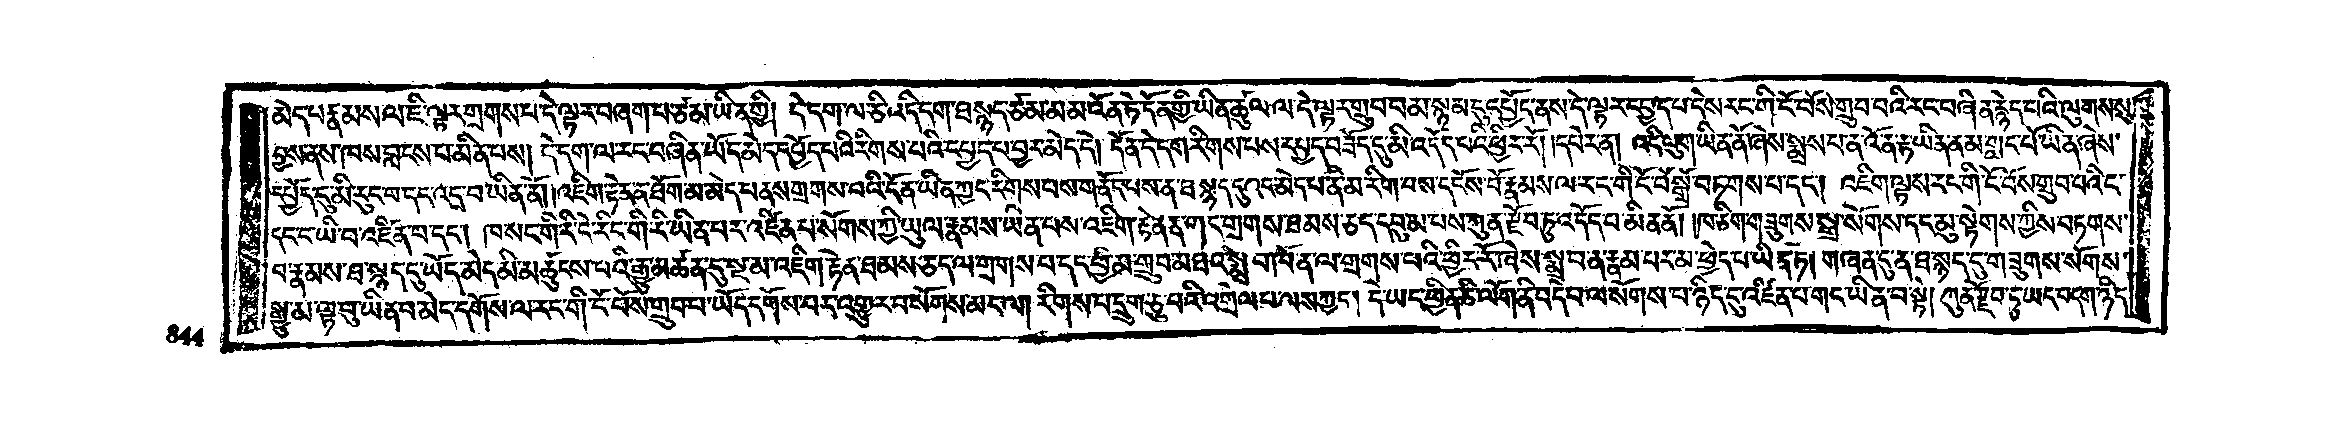མེད་པ་རྣམས་ལ་ཇི་ལྟར་གྲགས་པ་དེ་ལྟར་བཞག་པ་ཙམ་ཡིན་གྱི། དེ་དག་ལ་ཅི་འདི་དག་ཐ་སྙད་ཙམ་མམ་?་འོན་ཏེ་དོན་གྱི་ཡིན་ཚུལ་ལ་དེ་ལྟར་གྲུབ་པ་མ་སྙམ་དུ་དཔྱད་ནས་དེ་ལྟར་དཔྱོད་པ་དེས་རང་གི་ངོ་བོས་གྲུབ་པའི་རང་བཞིན་རྙེད་པའི་ལུགས་སུ་
བྱས་ནས་ཁས་བླངས་པ་མིན་པས། དེ་དག་ལ་རང་བཞིན་ཡོད་མེད་དཔྱོད་པའི་རིགས་པའི་དཔྱད་པ་བྱར་མེད་དེ། དོན་དེ་དག་རིགས་པས་དཔྱད་བཟོད་དུ་མི་འདོད་པའི་ཕྱིར་རོ། །དཔེར་ན། འདི་ལུག་ཡིན་ནོ་ཞེས་སྨྲས་པ་ན་འོ་ན་རྟ་ཡིན་ནམ་གླང་པོ་ཡིན་ཞེས་
དཔྱོད་དུ་མི་རུང་བ་དང་འདྲ་བ་ཡིན་ནོ། །འཇིག་རྟེན་ན་ཐོག་མ་མེད་པ་ནས་གྲགས་པའི་དོན་ཡིན་ཀྱང་རིགས་པས་གནོད་པས་ན་ཐ་སྙད་དུའང་མེད་པ་ནི་མ་རིག་པས་དངོས་པོ་རྣམས་ལ་རང་གི་ངོ་བོ་སྒྲོ་བཏགས་པ་དང་། འཇིག་ལྟས་རང་གི་ངོ་བོས་གྲུབ་པའི་ང་
དང་ང་ཡི་བ་འཛིན་པ་དང་། ཁ་སང་གི་རི་དེ་རིང་གི་རི་ཡིན་པར་འཛིན་པ་སོགས་ཀྱི་ཡུལ་རྣམས་ཡིན་པས་འཇིག་རྟེན་ན་གང་གྲགས་ཐམས་ཅད་དབུ་མ་པས་ཀུན་རྫོབ་ཏུ་འདོད་པ་མིན་ནོ། །ཁ་ཅིག་གཟུགས་སྒྲ་སོགས་དང་མུ་སྟེགས་ཀྱིས་བཏགས་
པ་རྣམས་ཐ་སྙད་དུ་ཡོད་མེད་མི་མཚུངས་པའི་རྒྱུ་མཚན་དུ་སྔ་མ་འཇིག་རྟེན་ཐམས་ཅད་ལ་གྲགས་པ་དང་ཕྱི་མ་གྲུབ་མཐའ་སྨྲ་བ་ཁོ་ན་ལ་གྲགས་པའི་ཕྱིར་རོ་ཞེས་སྨྲ་བ་ནི་རྣམ་པར་མ་ཕྱེད་པ་ཡིན་ཏེ། གཞན་དུ་ན་ཐ་སྙད་དུ་གཟུགས་སོགས་
སྒྱུ་མ་ལྟ་བུ་ཡིན་པ་མེད་དགོས་ལ་རང་གི་ངོ་བོས་གྲུབ་པ་ཡོད་དགོས་པར་འགྱུར་བ་སོགས་མང་ལ། རིགས་པ་དྲུག་ཅུ་པའི་འགྲེལ་པ་ལས་ཀྱང་། དེ་ཡང་ཕྱིན་ཅི་ལོག་ནི་བདེ་བ་ལ་སོགས་པ་ཉིད་དུ་འཛིན་པ་གང་ཡིན་པ་སྟེ། ཀུན་རྫོབ་ཏུ་ཡང་བདག་ཉིད་